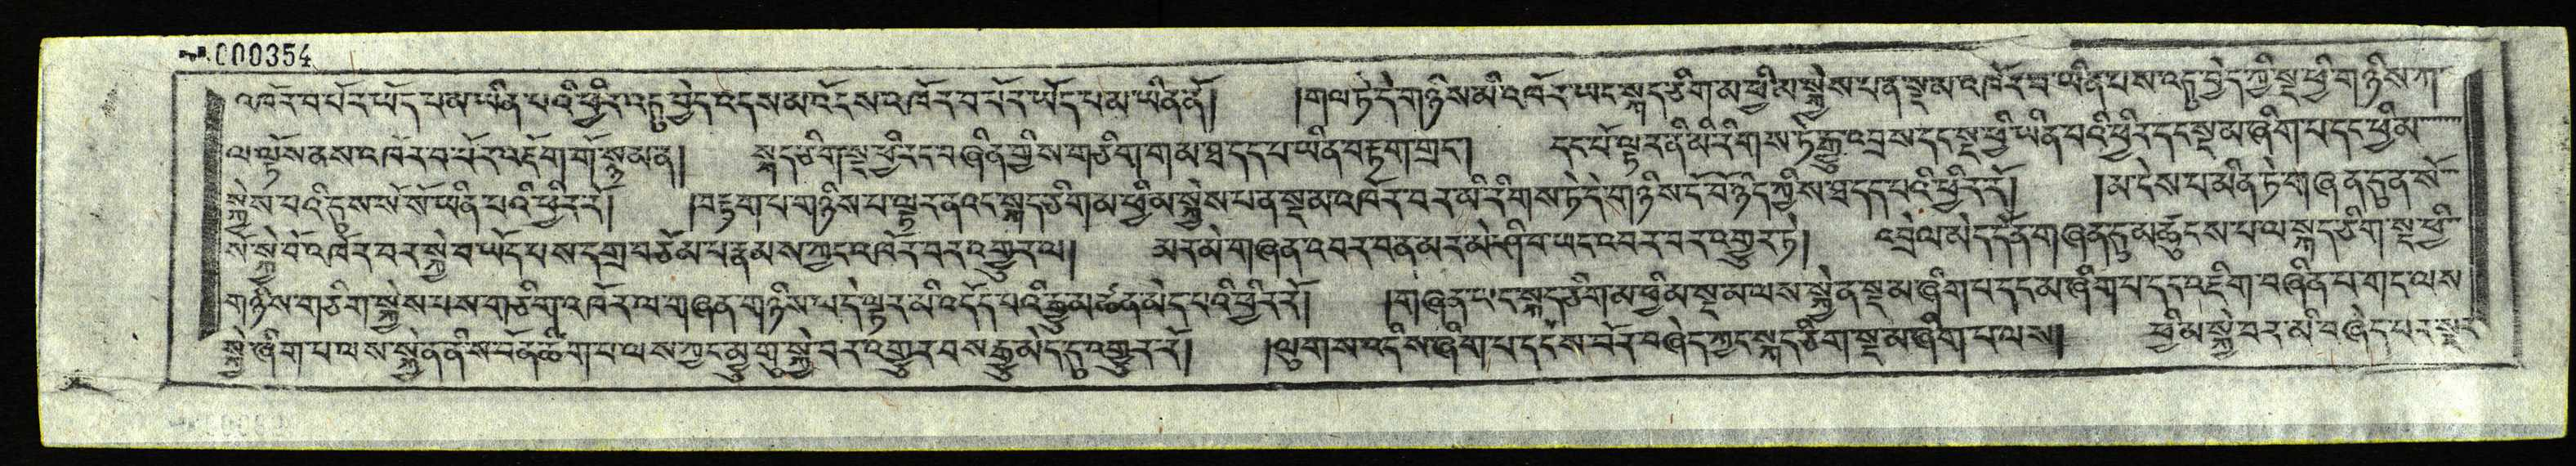འཁོར་བ་པོར་ཡོད་པ་མ་ཡིན་པའི་ཕྱིར་འདུ་བྱེད་འདས་མ་འོངས་འཁོར་བ་པོར་ཡོད་པ་མ་ཡིན་ནོ། །གལ་ཏེ་དེ་གཉིས་མི་འཁོར་ཡང་སྐད་ཅིག་མ་ཕྱི་མ་སྐྱེས་པ་ན་སྔ་མ་འཁོར་བ་ཡིན་པས་འདུ་བྱེད་ཀྱི་སྔ་ཕྱི་གཉིས་ཀ་
ལ་ལྟོས་ནས་འཁོར་བ་པོར་འཇོག་གོ་སྙམ་ན། སྐད་ཅིག་སྔ་ཕྱི་རང་བཞིན་གྱིས་གཅིག་གམ་ཐ་དད་པ་ཡིན་བརྟག་གྲང་། དང་པོ་ལྟར་ནི་མི་རིགས་ཏེ་རྒྱུ་འབྲས་དང་སྔ་ཕྱི་ཡིན་པའི་ཕྱིར་དང་སྔ་མ་ཞིག་པ་དང་ཕྱི་མ་
སྐྱེས་པའི་དུས་སོ་སོ་ཡིན་པའི་ཕྱིར་རོ། །བརྟག་པ་གཉིས་པ་ལྟར་ནའང་སྐད་ཅིག་མ་ཕྱི་མ་སྐྱེས་པ་ན་སྔ་མ་འཁོར་བར་མི་རིགས་ཏེ་དེ་གཉིས་ངོ་བོ་ཉིད་ཀྱིས་ཐ་དད་པའི་ཕྱིར་རོ། །མ་ངེས་པ་མིན་ཏེ་གཞན་དུ་ན་སོ་
སོ་སྐྱེ་བོ་འཁོར་བར་སྐྱེ་བ་ཡོད་པས་དགྲ་བཅོམ་པ་རྣམས་ཀྱང་འཁོར་བར་འགྱུར་ལ། མར་མེ་གཞན་འབར་བ་ན་མར་མེ་ཤི་བ་ཡང་འབར་བར་འགྱུར་ཏེ། འབྲེལ་མེད་དོན་གཞན་དུ་མཚུངས་པ་ལ་སྐད་ཅིག་སྔ་ཕྱི་
གཉིས་གཅིག་སྐྱེས་པས་གཅིག་འཁོར་ལ་གཞན་གཉིས་ལ་དེ་ལྟར་མི་འདོད་པའི་རྒྱུ་མཚན་མེད་པའི་ཕྱིར་རོ། །གཞན་ཡང་སྐད་ཅིག་མ་ཕྱི་མ་སྔ་མ་ལས་སྐྱེ་ན་སྔ་མ་ཞིག་པ་དང་མ་ཞིག་པ་དང་འཇིག་བཞིན་པ་གང་ལས་
སྐྱེ་ཞིག་པ་ལས་སྐྱེ་ན་ནི་ས་བོན་ཚིག་པ་ལས་ཀྱང་མྱུ་གུ་སྐྱེ་བར་འགྱུར་བས་རྒྱུ་མེད་དུ་འགྱུར་རོ། །ལུགས་འདིས་ཞིག་པ་དངོས་པོར་བཞེད་ཀྱང་སྐད་ཅིག་སྔ་མ་ཞིག་པ་ལས། ཕྱི་མ་སྐྱེ་བར་མི་བཞེད་པར་སྔར་